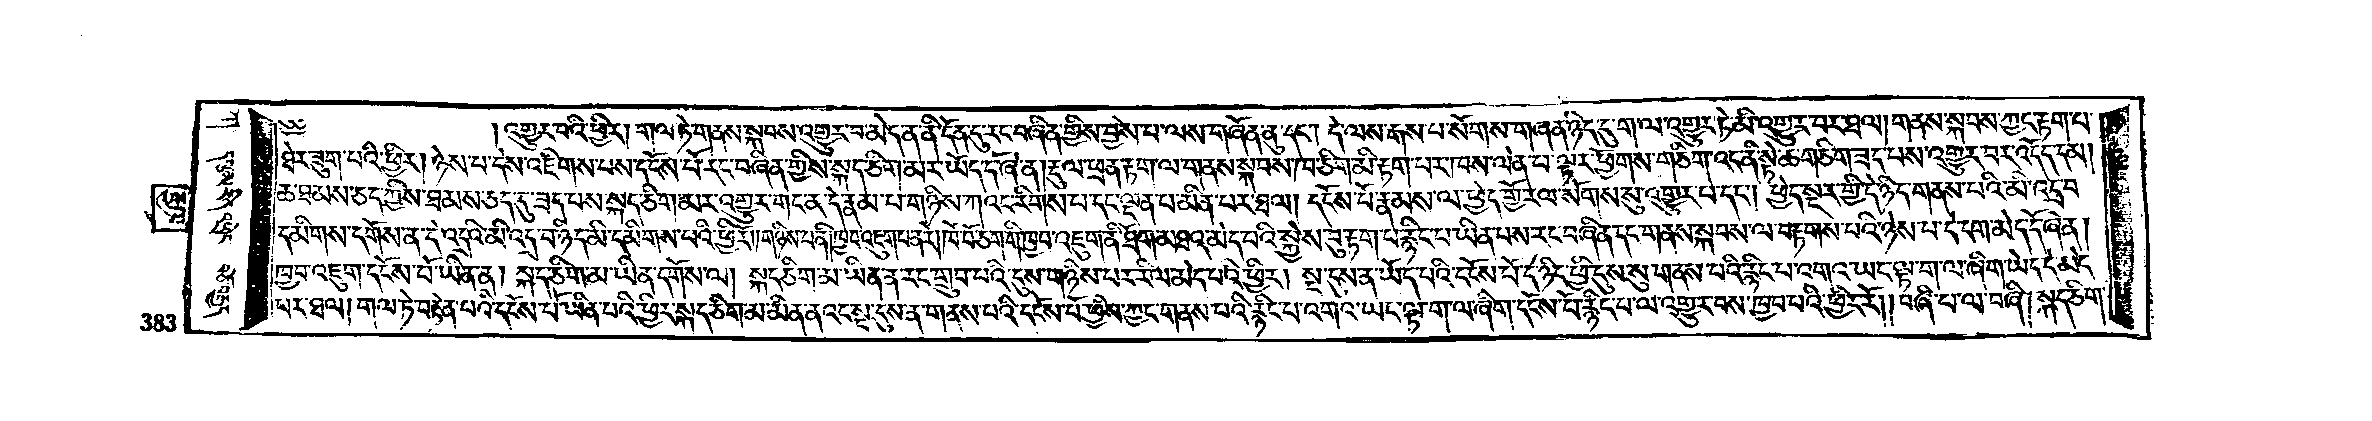༄༅། །འགྱུར་བའི་ཕྱིར། གལ་ཏེ་གནས་སྐབས་འགྱུར་བ་མེད་ན་ནི་དོན་དུ་རང་བཞིན་གྱིས་བྱེས་པ་ལས་གཞོན་ནུ་དང་། དེ་ལས་རྒྱས་པ་སོགས་གཞན་ཉིད་དུ་ག་ལ་འགྱུར་ཏེ་མི་འགྱུར་བར་ཐལ། གནས་སྐབས་ཀྱང་རྟག་པ་
ཐེར་ཟུག་པའི་ཕྱིར། ཉེས་པ་དེས་འཇིགས་པས་དངོས་པོ་རང་བཞིན་གྱིས་སྐད་ཅིག་མར་ཡོད་དོ་ཞེ་ན། རྡུལ་ཕྲན་རྟག་ལ་གནས་སྐབས་ཁ་ཅིག་མི་རྟག་པར་ཁས་ལེན་པ་ལྟར་ཕྱོགས་གཅིག་འང་ནི་སྟེ་ཆ་གཅིག་ཟད་པས་འགྱུར་བར་འདོད་དམ།
ཆ་ཐམས་ཅད་ཀྱིས་ཐམས་ཅད་དུ་ཟད་པས་སྐད་ཅིག་མར་འགྱུར་གང་ན་དེ་རྣམ་པ་གཉིས་ཀའང་རིགས་པ་དང་ལྡན་པ་མིན་པར་ཐལ། དངོས་པོ་རྣམས་ལ་ཕྱེད་གྱོར་ལ་སོགས་སུ་འགྱུར་བ་དང་། ཕྱེད་སྔར་གྱི་དེ་ཉིད་གནས་པའི་མི་འདྲ་བ་
དམིགས་དགོས་ན་དེ་འདྲའི་མི་འདྲ་བ་ཉིད་མི་དམིགས་པའི་ཕྱིར། །གཉིས་པ་ནི། ཁྱབ་འཇུག་པ་ན་རེ། ཁོ་བོ་ཅག་གི་ཁྱབ་འཇུག་ནི་ཐོག་མཐའ་མེད་པའི་སྐྱེས་བུ་རྟག་པ་རྙིང་པ་ཉིན་པས་རང་བཞིན་དང་གནས་སྐབས་ལ་བརྟགས་པའི་ཉེས་པ་དེ་དག་མེད་དོ་ཞེ་ན།
ཁྱབ་འཇུག་དངོས་པོ་ཡིན་ན། སྐད་ཅིག་མ་ཡིན་དགོས་ལ། སྐད་ཅིག་མ་ཡིན་ན་རང་གྲུབ་པའི་དུས་གཉིས་པར་རིལ་མེད་པའི་ཕྱིར། སྔ་དུས་ན་ཡོད་པའི་དངོས་པོ་དེ་ཉིད་ཕྱི་དུས་སུ་གནས་པའི་རྙིང་པ་འགའ་ཡང་ལྟ་ག་ལ་ཞིག་ཡེད་དེ་མེད་
པར་ཐལ། གལ་ཏེ་བརྟེན་པའི་དངོས་པོ་ཡིན་པའི་ཕྱིར་སྐད་ཅིག་མ་མིན་ནའང་སྔ་དུས་ན་གནས་པའི་དངོས་པོ་ཕྱིས་ཀྱང་གནས་པའི་རྙིང་པ་འགའ་ཡང་ལྟ་ག་ལ་ཞིག་དངོས་པོ་རྙིང་པ་ལ་འགྱུར་བས་ཁྱབ་པའི་ཕྱིར་རོ། །བཞི་པ་ལ་བཞི། སྐད་ཅིག་